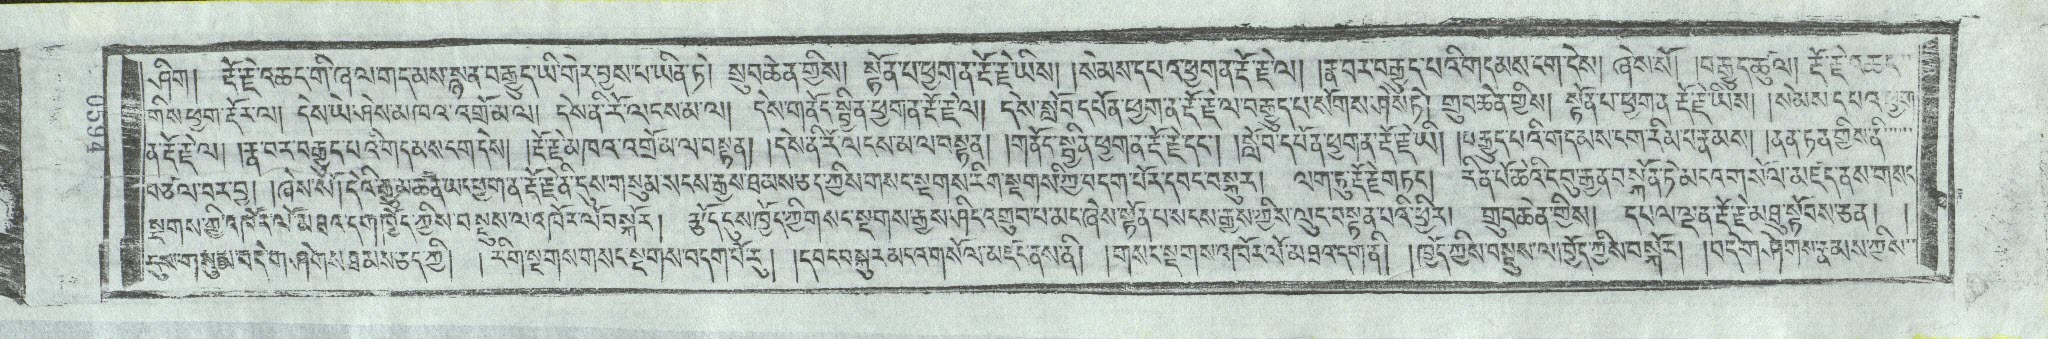ཤིག། རྡོ་རྗེ་འཆང་གི་ཞལ་གདམས་སྙན་བརྒྱུད་ཡི་གེར་བྱས་པ་ཡིན་ཏེ། སྲུབ་ཆེན་གྱིས། སྟོན་པ་ཕྱག་ན་རྡོ་རྗེ་ཡིས། །སེམས་དཔའ་ཕྱག་ན་རྡོ་རྗེ་ལ། །རྣ་བར་བརྒྱུད་པའི་གདམས་ངག་དེས། ཞེས་སོ། །བརྒྱུད་ཚུལ། རྡོ་རྗེ་འཆང་
གིས་ཕྱག་རྡོར་ལ། དེས་ཡེ་ཤེས་མངའ་འགྲོམ་ལ། དེས་ནི་རོ་ལངས་མ་ལ། དེས་གནོད་སྦྱིན་ཕྱག་ན་རྡོ་རྗེ་ལ། དེས་སློབ་དཔོན་ཕྱག་ན་རྡོ་རྗེ་ལ་བརྒྱུད་པ་སོགས་ཤེས་ཏེ། གྲུབ་ཆེན་གྱིས། སྟོན་པ་ཕྱག་ན་རྡོ་རྗེ་ཡིས། །སེམས་དཔའ་ཕྱག་
ན་རྡོ་རྗེ་ལ། །རྣ་བར་བརྒྱུད་པའི་གདམས་ངག་དེས། །རྡོ་རྗེ་མཁའ་འགྲོ་མ་ལ་བསྟན། །དེས་ནི་རོ་ལངས་མ་ལ་བསྟན། །གནོད་སྦྱིན་ཕྱག་ན་རྡོ་རྗེ་དང་། །སློབ་དཔོན་ཕྱག་ན་རྡོ་རྗེ་ཡི། །བརྒྱུད་པའི་གདམས་ངག་རིམ་བ་རྣམས། །ནན་ཏན་གྱིས་ནི་
བཙལ་བར་བྱ། །ཞེས་སོ། དེའི་རྒྱུ་མཚན་ཡང་ཕྱག་ན་རྡོ་རྗེ་ནི་དུས་གསུམ་སངས་རྒྱས་ཐམས་ཅད་ཀྱིས་གསང་སྔགས་རིག་སྔགས་ཀྱི་བདག་པོར་དབང་བསྐུར། ལག་ཏུ་རྡོ་རྗེ་གཏང་། རིན་པོ་ཆེའི་དབུ་རྒྱན་བསྐོན་ཏེ་མངའ་གསོལ་མཛད་ནས་གསང་
སྔགས་ཀྱི་འཁོར་ལོ་མཐའ་དག་ཁྱོད་ཀྱིས་བསྡུས་ལ་འཁོར་ལོ་བསྐོར། རྩོད་དུས་ཁྱོད་ཀྱི་གསང་སྔགས་རྒྱས་ཤིང་འགྲུབ་པ་མང་ཞེས་སྟོན་པ་སངས་རྒྱས་ཀྱིས་ལུང་བསྟན་པའི་ཕྱིར། གྲུབ་ཆེན་གྱིས། དཔལ་ལྡན་རྡོ་རྗེ་མཐུ་སྟོབས་ཅན། །
དུས་གསུམ་བདེ་གཤེགས་ཐམས་ཅད་ཀྱི། །རིག་སྔགས་གསང་སྔགས་བདག་པོ་རུ། །དབང་བསྐུར་མངའ་གསོལ་མཛད་ནས་ནི། །གསང་སྔགས་འཁོར་ལོ་མཐའ་དག་ནི། །ཁྱོད་ཀྱིས་བསྐུས་ལ་ཁྱོད་ཀྱིས་བསྐོར། །བདེ་གཤེགས་རྣམས་ཀྱིས་